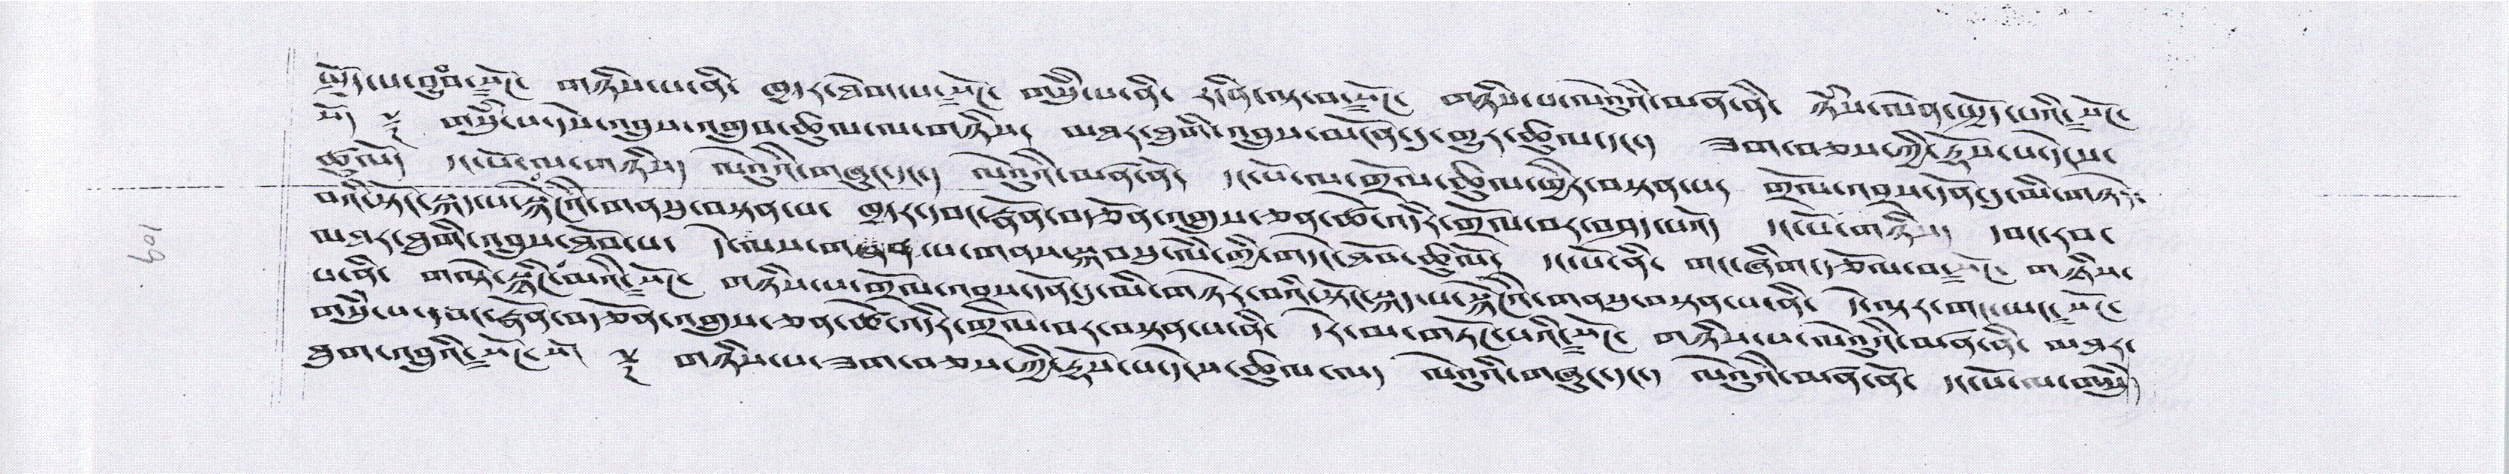སྤྱོད་པ་བྱང་ཆུབ༑ སོགས། གཉིས་པ་ནི། ཁྱད་པར་ཐེག་པ༑ སོགས། གསུམ་པ་ནི། རང་བཞིན་ལྟ་བ༑ སོགས། གཉིས་པ་ལེའུ་མཚན་ནི། ཉམས་ལེན་སྤྱོད་པའི༑ སོགས་
སོ། ༧ གསུམ་པ་དེས་འབྲས་བུ་གྲུབ་ཚུལ་ལ་གཉིས། མཐར་ཐུག་གི་འབྲས་བུ་མངོན་དུ་གྱུར་ཚུལ་དང་། ཟག་བཅས་ཀྱི་གདོས་པ་དེངས་
ཚུལ་ལོ། དང་པོ་ལ་གཉིས། ལེའུ་གཞུང་དང་། ལེའུ་མཚན་ནོ། དང་པོ་ལ་གྲོལ་ཚུལ་སྤྱིར་བསྟན་པ། གྲོལ་འབྲས་དོན་དུ་མི་གཉེར་
བའི་སྟོང་སྐད་པ་སྙིང་རྗེའི་གནས་སུ་བསྟན་པ། ཁྱད་པར་དབང་རྣོན་བརྩོན་འགྲུས་ཅན་ཚེ་འདིར་གྲོལ་བར་བཤད་པའོ། དང་པོ་ལ་གཉིས། དབང་རབ་
མཐར་ཐུག་གི་འབྲས་བུ་ཐོབ་པ། དེ་ལས་གཞན་པ་གནས་སྐབས་སུ་ལམ་གྱི་གདེང་ཐོབ་ཚུལ་ལོ། དང་པོ་ནི། གང་ཞིག་རྩོལ་བ༑ སོགས། གཉིས་
པ་ནི། གལ་ཏེ་སྙིགས་མའི༑ སོགས། གཉིས་པ་ནི། གྲོལ་འབྲས་དོན་དུ་མི་གཉེར་བའི་སྟོང་སྐད་པ་སྙིང་རྗེའི་གནས་སུ་བསྟན་པ་ནི། དེ་ལྟར་གང་ཡང༑ སོགས། 
གསུམ་པ་དབང་རྣོན་བརྩོན་འགྲུས་ཅན་ཚེ་འདིར་གྲོལ་བར་བསྟན་པ་ནི། དེར་མ་གཏོགས་པའི༑ སོགས། གཉིས་པ་ལེའུའི་མཚན་ནི། མཐར་
ཐུག་འབྲས་བུའི༑ སོགས་སོ། ༧ གཉིས་པ་ཟག་བཅས་ཀྱི་རྡོས་པ་དེངས་ཚུལ་ལ། ལེའུའི་གཞུང་དང་། ལེའུའི་མཚན་ནོ། དང་པོ་ལ་གསུམ་